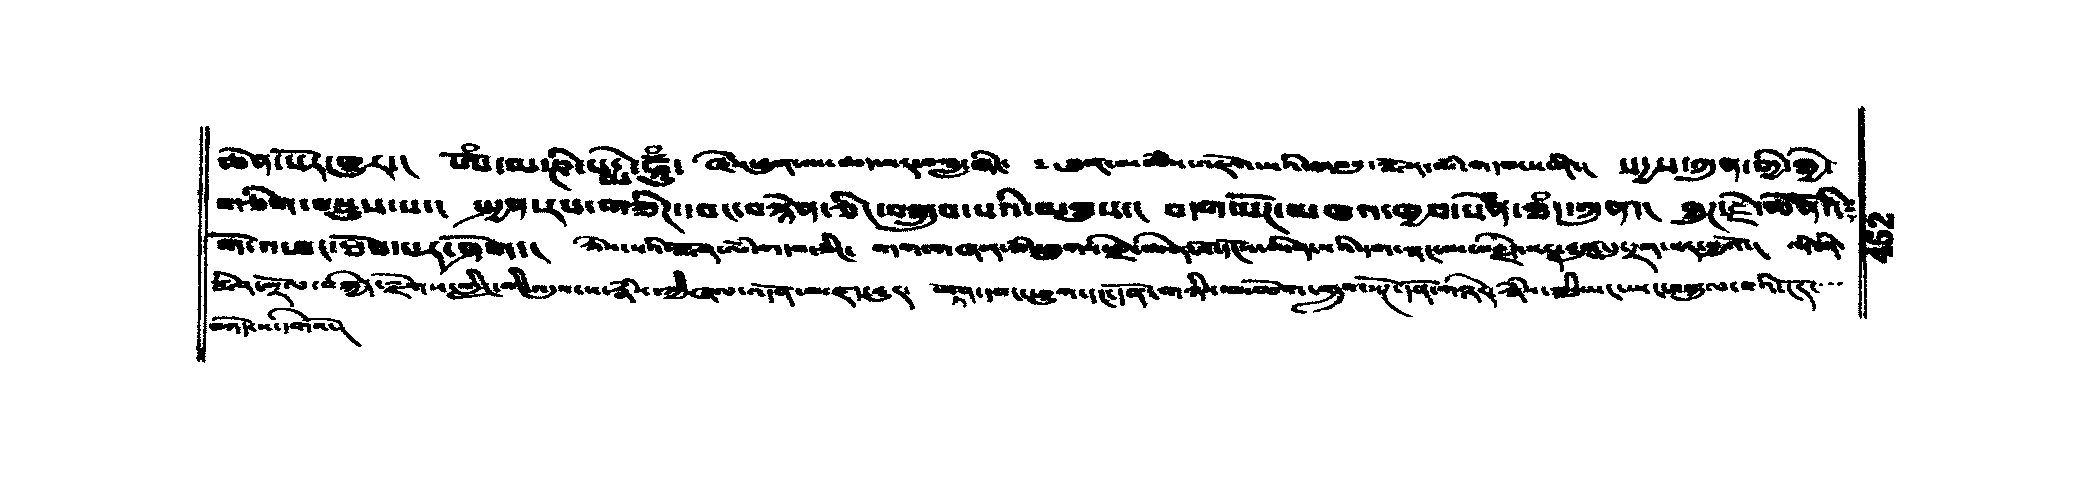ཆེན་པོར་གྱུར། །ཨོྂ་མ་ཎི་པདྨེ་ཧཱུྂ། 1$0000180ཞེས་རྒྱུན་མ་ཆད་པར་བཟླ་ཞིང་། ༈ ཀྵུན་མཚམས་འཇོག་པའི་སྐབས་སུ་སྨོན་ལམ་གདམས་ཞིང་། 1$10002501$0000250སངས་རྒྱས་ཀུན་གྱི་
ཐུགས་རྗེ་གཅིག་བསྡུས་པ། །སྤྱན་་རས་གཟིགས་དབང་བསྙེན་ཅིང་བསྒྲུབ་པའི་མཐུས། །བདག་སོགས་མཁའ་ཁྱབ་སེམས་ཅན་ཐམས་ཅད་ཀུན། །ཐུགས་རྗེ་ཆེན་པོའི་
གོ་འཕང་ཐོབ་པར་ཤོག་།1$10001801$0000180 ཅེས་པའི་སྨོན་ལམ་གཅབ་ཅིང་། བདག་གཞན་ཐམས་ཅད་ཐུགས་་རྗེ་ཆེན་པོ་་དངོས་དམིགས་པའི་དག་སྣང་མ་་བརྗེད་པར་རྒྱུན་དུ་དྲན་པར་བྱའོ། འདི་ནི་
སྨིན་གྲོལ་བསྐྱེད་རྫོགས་གླིང་གི་འདུས་པ་རྣམས་ཀྱི་ཞལ་འདོན་མཛད་རྒྱུར། ཡོན་ཏན་དབང་ཕྱུག་དང་དོན་གཉིས་མཆོག་གྲུབ་སོགས་དོན་གཉེར་རྣམས་ཀྱིས་ཡང་ཡང་བསྐུལ་བའི་ངོར་
བཀོད་པ་དགེའོ། 1$10002501$0000250